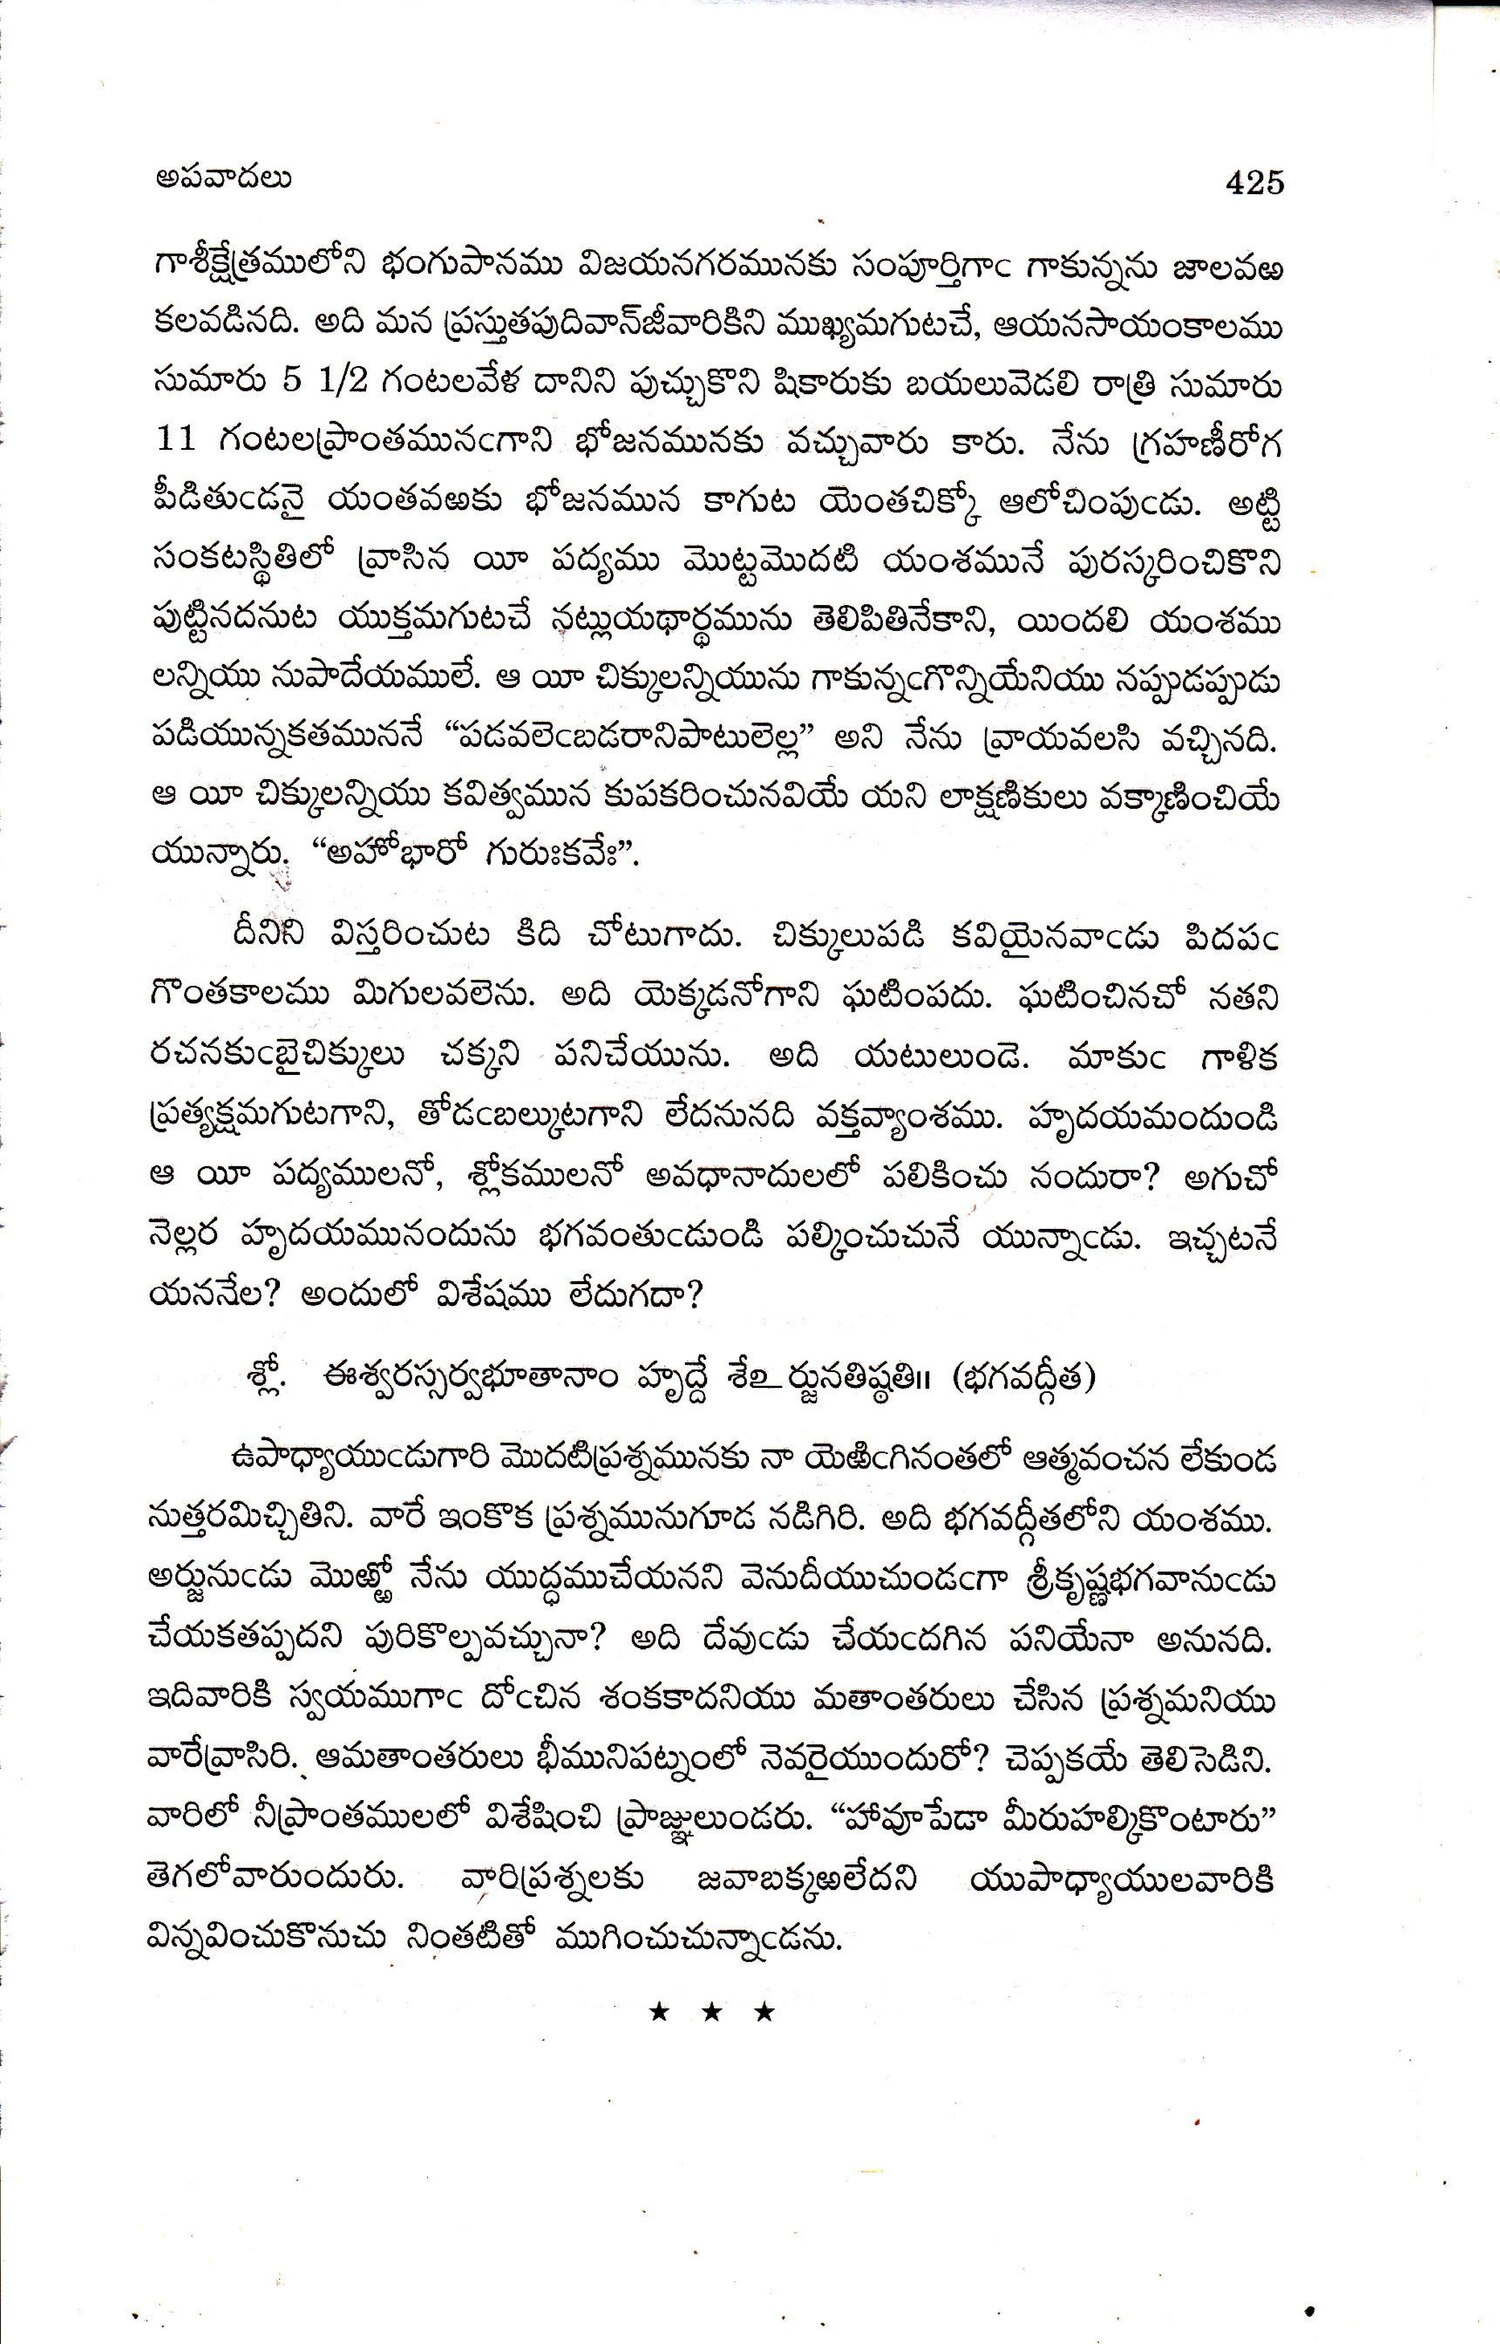గాశీక్షేత్రములోని భంగుపానము విజయనగరమునకు సంపూర్తిగాఁ గాకున్నను జాలవఱ కలవడినది. అది మన ప్రస్తుతపుదివాన్‌జీవారికిని ముఖ్యమగుటచే, ఆయనసాయంకాలము సుమారు 5 1/2 గంటలవేళ దానిని పుచ్చుకొని షికారుకు బయలువెడలి రాత్రి సుమారు 11 గంటలప్రాంతమునఁగాని భోజనమునకు వచ్చువారు కారు. నేను గ్రహణీరోగ పీడితుఁడనై యంతవఱకు భోజనమున కాగుట యెంతచిక్కో ఆలోచింపుఁడు. అట్టి సంకటస్థితిలో వ్రాసిన యీ పద్యము మొట్టమొదటి యంశమునే పురస్కరించికొని పుట్టినదనుట యుక్తమగుటచే నట్లుయథార్థమును తెలిపితినేకాని, యిందలి యంశము లన్నియు నుపాదేయములే. ఆ యీ చిక్కులన్నియును గాకున్నఁగొన్నియేనియు నప్పుడప్పుడు పడియున్నకతముననే “పడవలెఁబడరానిపాటులెల్ల" అని నేను వ్రాయవలసి వచ్చినది. ఆ యీ చిక్కులన్నియు కవిత్వమున కుపకరించునవియే యని లాక్షణికులు వక్కాణించియే యున్నారు. “అహోభారో గురుఃకవే”.

దీనిని విస్తరించుట కిది చోటుగాదు. చిక్కులుపడి కవియైనవాఁడు పిదపఁ గొంతకాలము మిగులవలెను. అది యొక్కడనోగాని ఘటింపదు. ఘటించినచో నతని రచనకుఁబైచిక్కులు చక్కని పనిచేయును. అది యుటులుండె. మాకుc గాళిక ప్రత్యక్షమగుటగాని, తోడఁబల్కుటగాని లేదనునది వక్తవ్యాంశము. హృదయమందుండి పద్యములనో, శ్లోకములనో అవధానాదులలో పలికించు నందురా? అగుచో నెల్లర హృదయమునందును భగవంతుఁడుండి పల్కించుచునే యున్నాఁడు. ఇచ్చటనే యననేల? అందులో విశేషము లేదుగదా?

శ్లో. ఈశ్వరస్సర్వభూతానాం హృద్దే శే౽ర్జునతిష్ఠతి (భగవద్గీత)
ఉపాధ్యాయుఁడుగారి మొదటిప్రశ్నమునకు నా యెఱిఁగినంతలో ఆత్మవంచన లేకుండ నుత్తరమిచ్చితిని. వారే ఇంకొక ప్రశ్నమునుగూడ నడిగిరి. అది భగవద్గీతలోని యంశము. అర్జునుఁడు మొఱ్ఱో నేను యుద్ధముచేయనని వెనుదీయుచుండఁగా శ్రీకృష్ణభగవానుఁడు చేయకతప్పదని పురికొల్పవచ్చునా? అది దేవుఁడు చేయఁదగిన పనియేనా అనునది. ఇదివారికి స్వయముగాఁ దోcచిన శంకకాదనియు మతాంతరులు చేసిన ప్రశ్నమనియు వారేవ్రాసిరి. ఆమతాంతరులు భీమునిపట్నంలో నెవరైయుందురో? చెప్పకయే తెలిసెడిని. వారిలో నీప్రాంతములలో విశేషించి ప్రాజ్ఞులుండరు. "హావూపేడా మీరుహల్కికొంటారు" తెగలోవారుందురు. వారి ప్రశ్నలకు జవాబక్కఱలేదని యుపాధ్యాయులవారికి విన్నవించుకొనుచు నింతటితో ముగించుచున్నాఁడను.